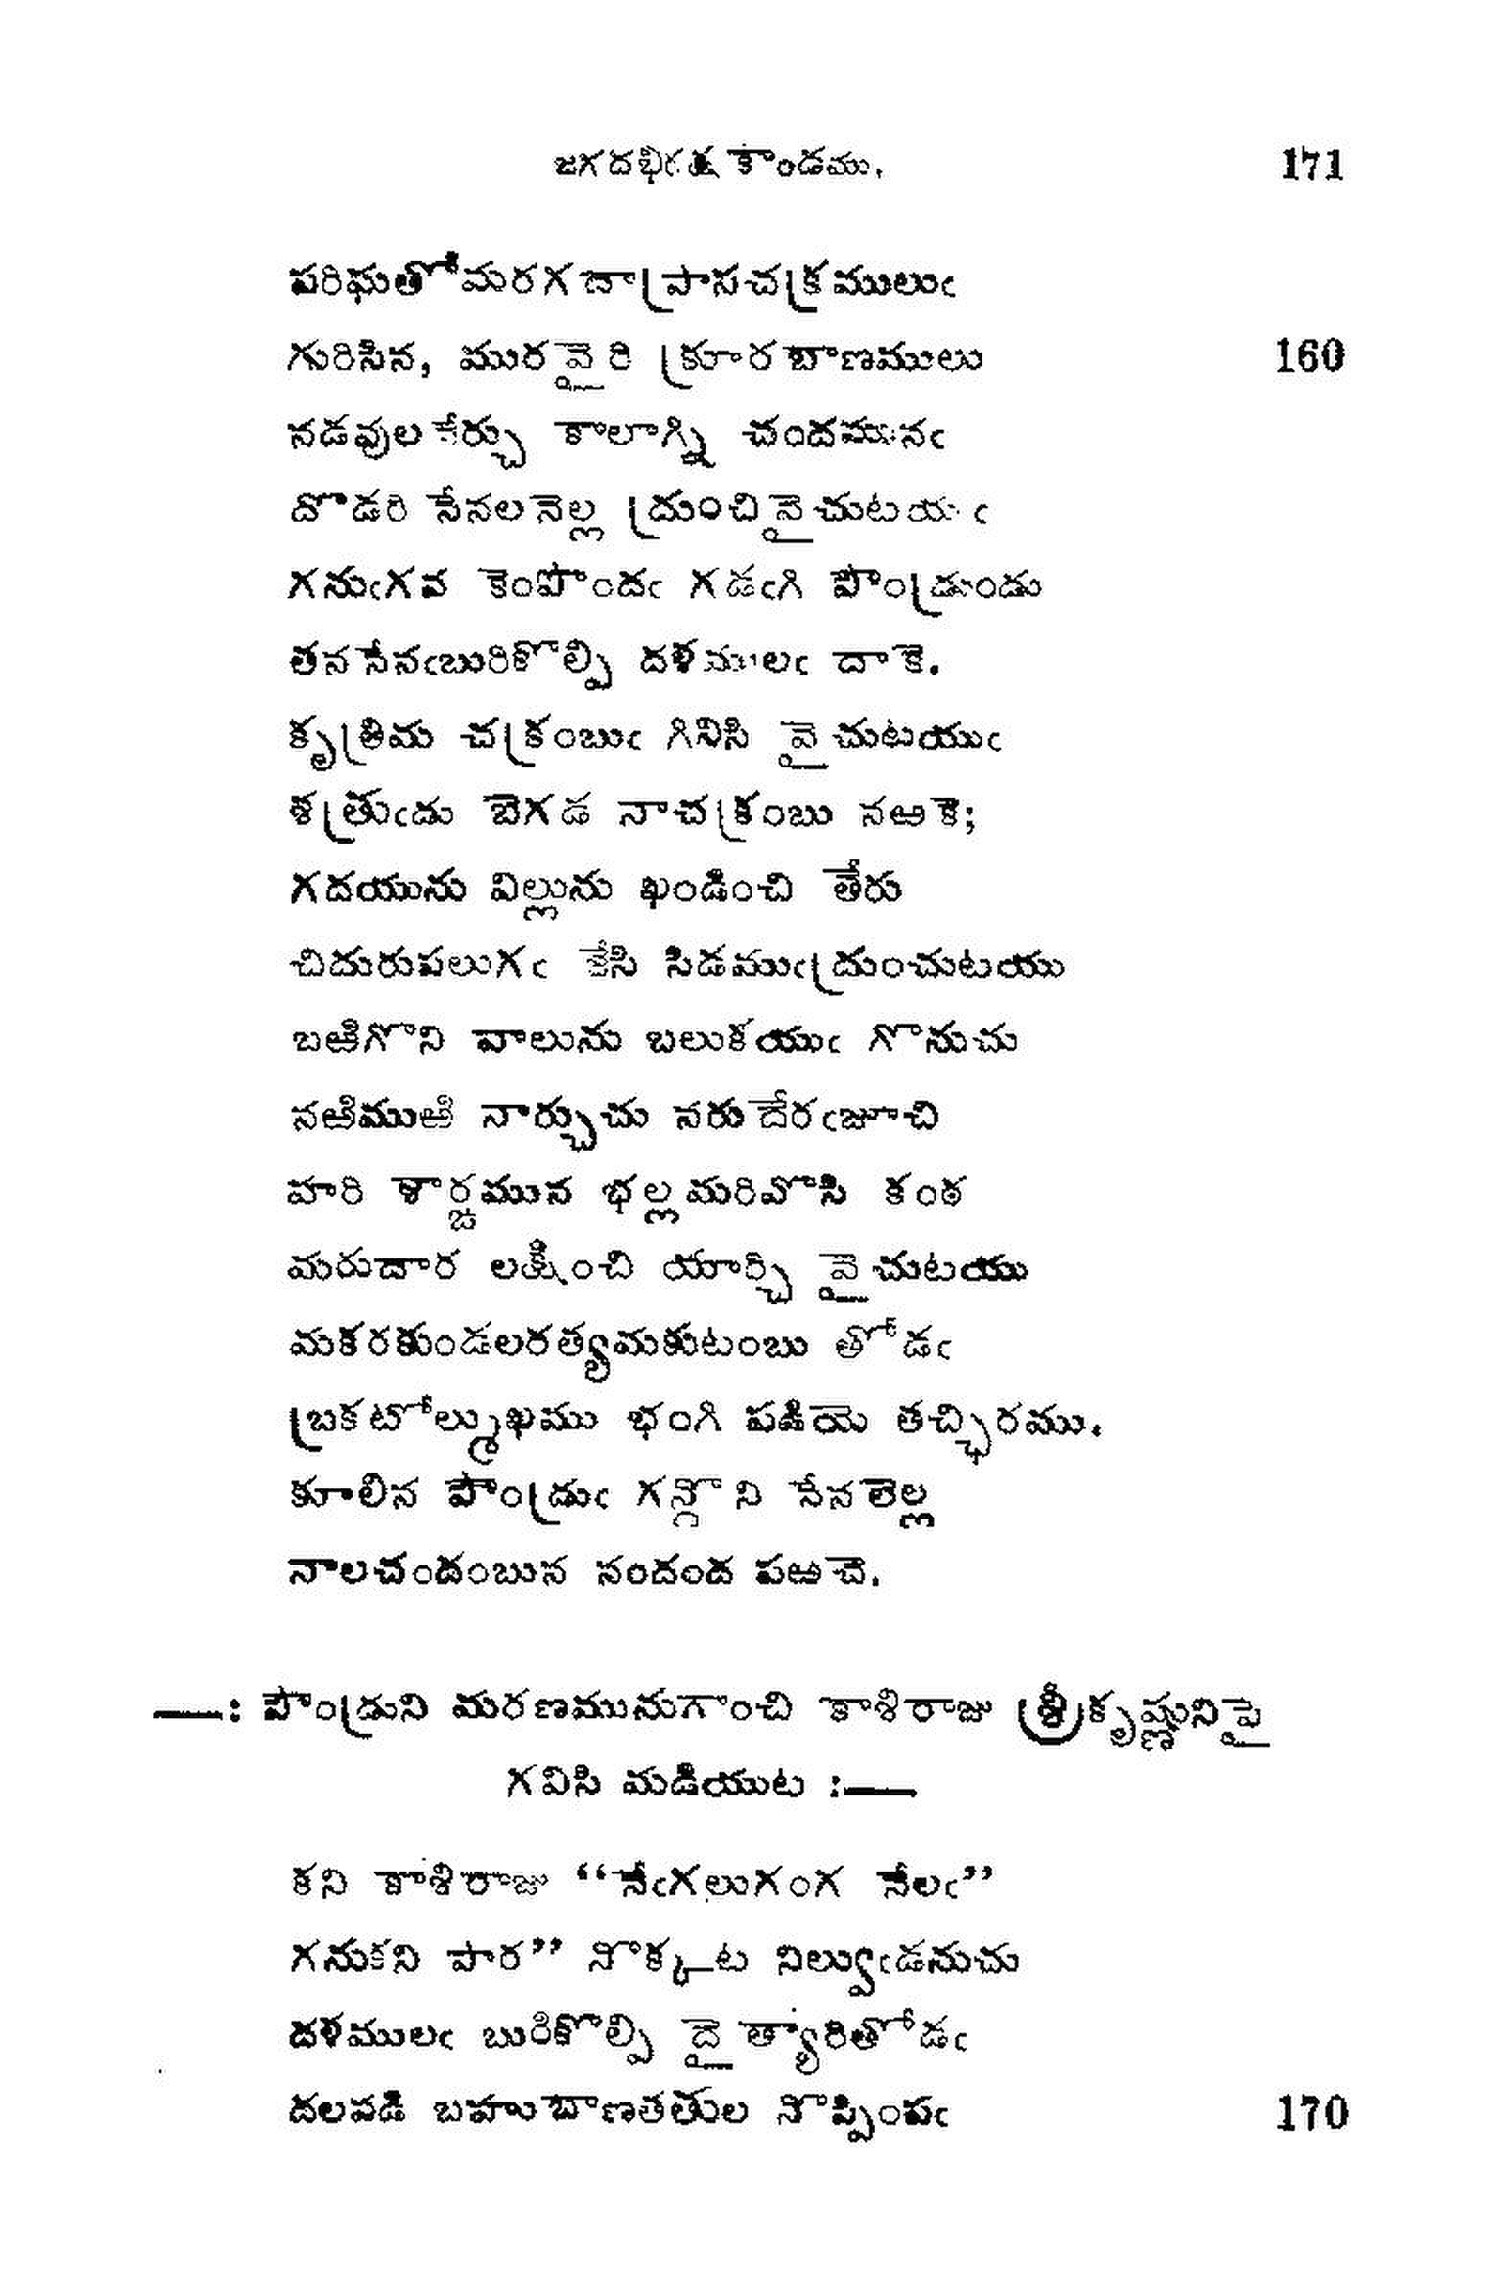పరిఘతోమరగదా ప్రాసచక్రములుఁ
గురిసిన, మురవైరి క్రూరబాణములు
నడవులనేర్చు కాలాగ్ని చందమునఁ
దొడరి సేనలనెల్ల ద్రుంచివైచుటయుఁ
గనుఁగవ కెంపొందఁ గడఁగి పౌండ్రుండు
తనసేనఁ బురిగొల్పి దళములఁ దాకె. 
కృత్రిమ చక్రంబుఁ గినిసి వైచుటయుఁ
శత్రుఁడు బెగడ నాచక్రంబు నఱికె; 
గదయును విల్లును ఖండించి తేరు
చిదురుపలుగఁ జేసి సిడముఁ ద్రుంచుటయు
బఱిగొని వాలును బలుకయుఁ గొనుచు
నఱిముఱి నార్చుచు నరుదేరఁ జూచి
హరి శార్ఙ్గమున భల్లమరివొసి కంఠ
మరుదార లక్షించి యార్చి వైచుటయు
మకరకుండలరత్నమకుటంబు తోడఁ 
బ్రకటోల్ముఖము భంగి పడియె తచ్ఛిరము. 
కూలిన పౌండ్రుఁ గన్గొని సేనలెల్ల
నాలచందంబున నందంద పఱచె. 

కని కాశిరాజు “నేఁగలుగంగ నేలఁ
గనుకని పార నొక్కట నిల్వుఁ” డనుచు
దళములఁ బురిగొల్పి దైత్యారితోడఁ
దలపడి బహుబాణతతుల నొప్పింపఁ